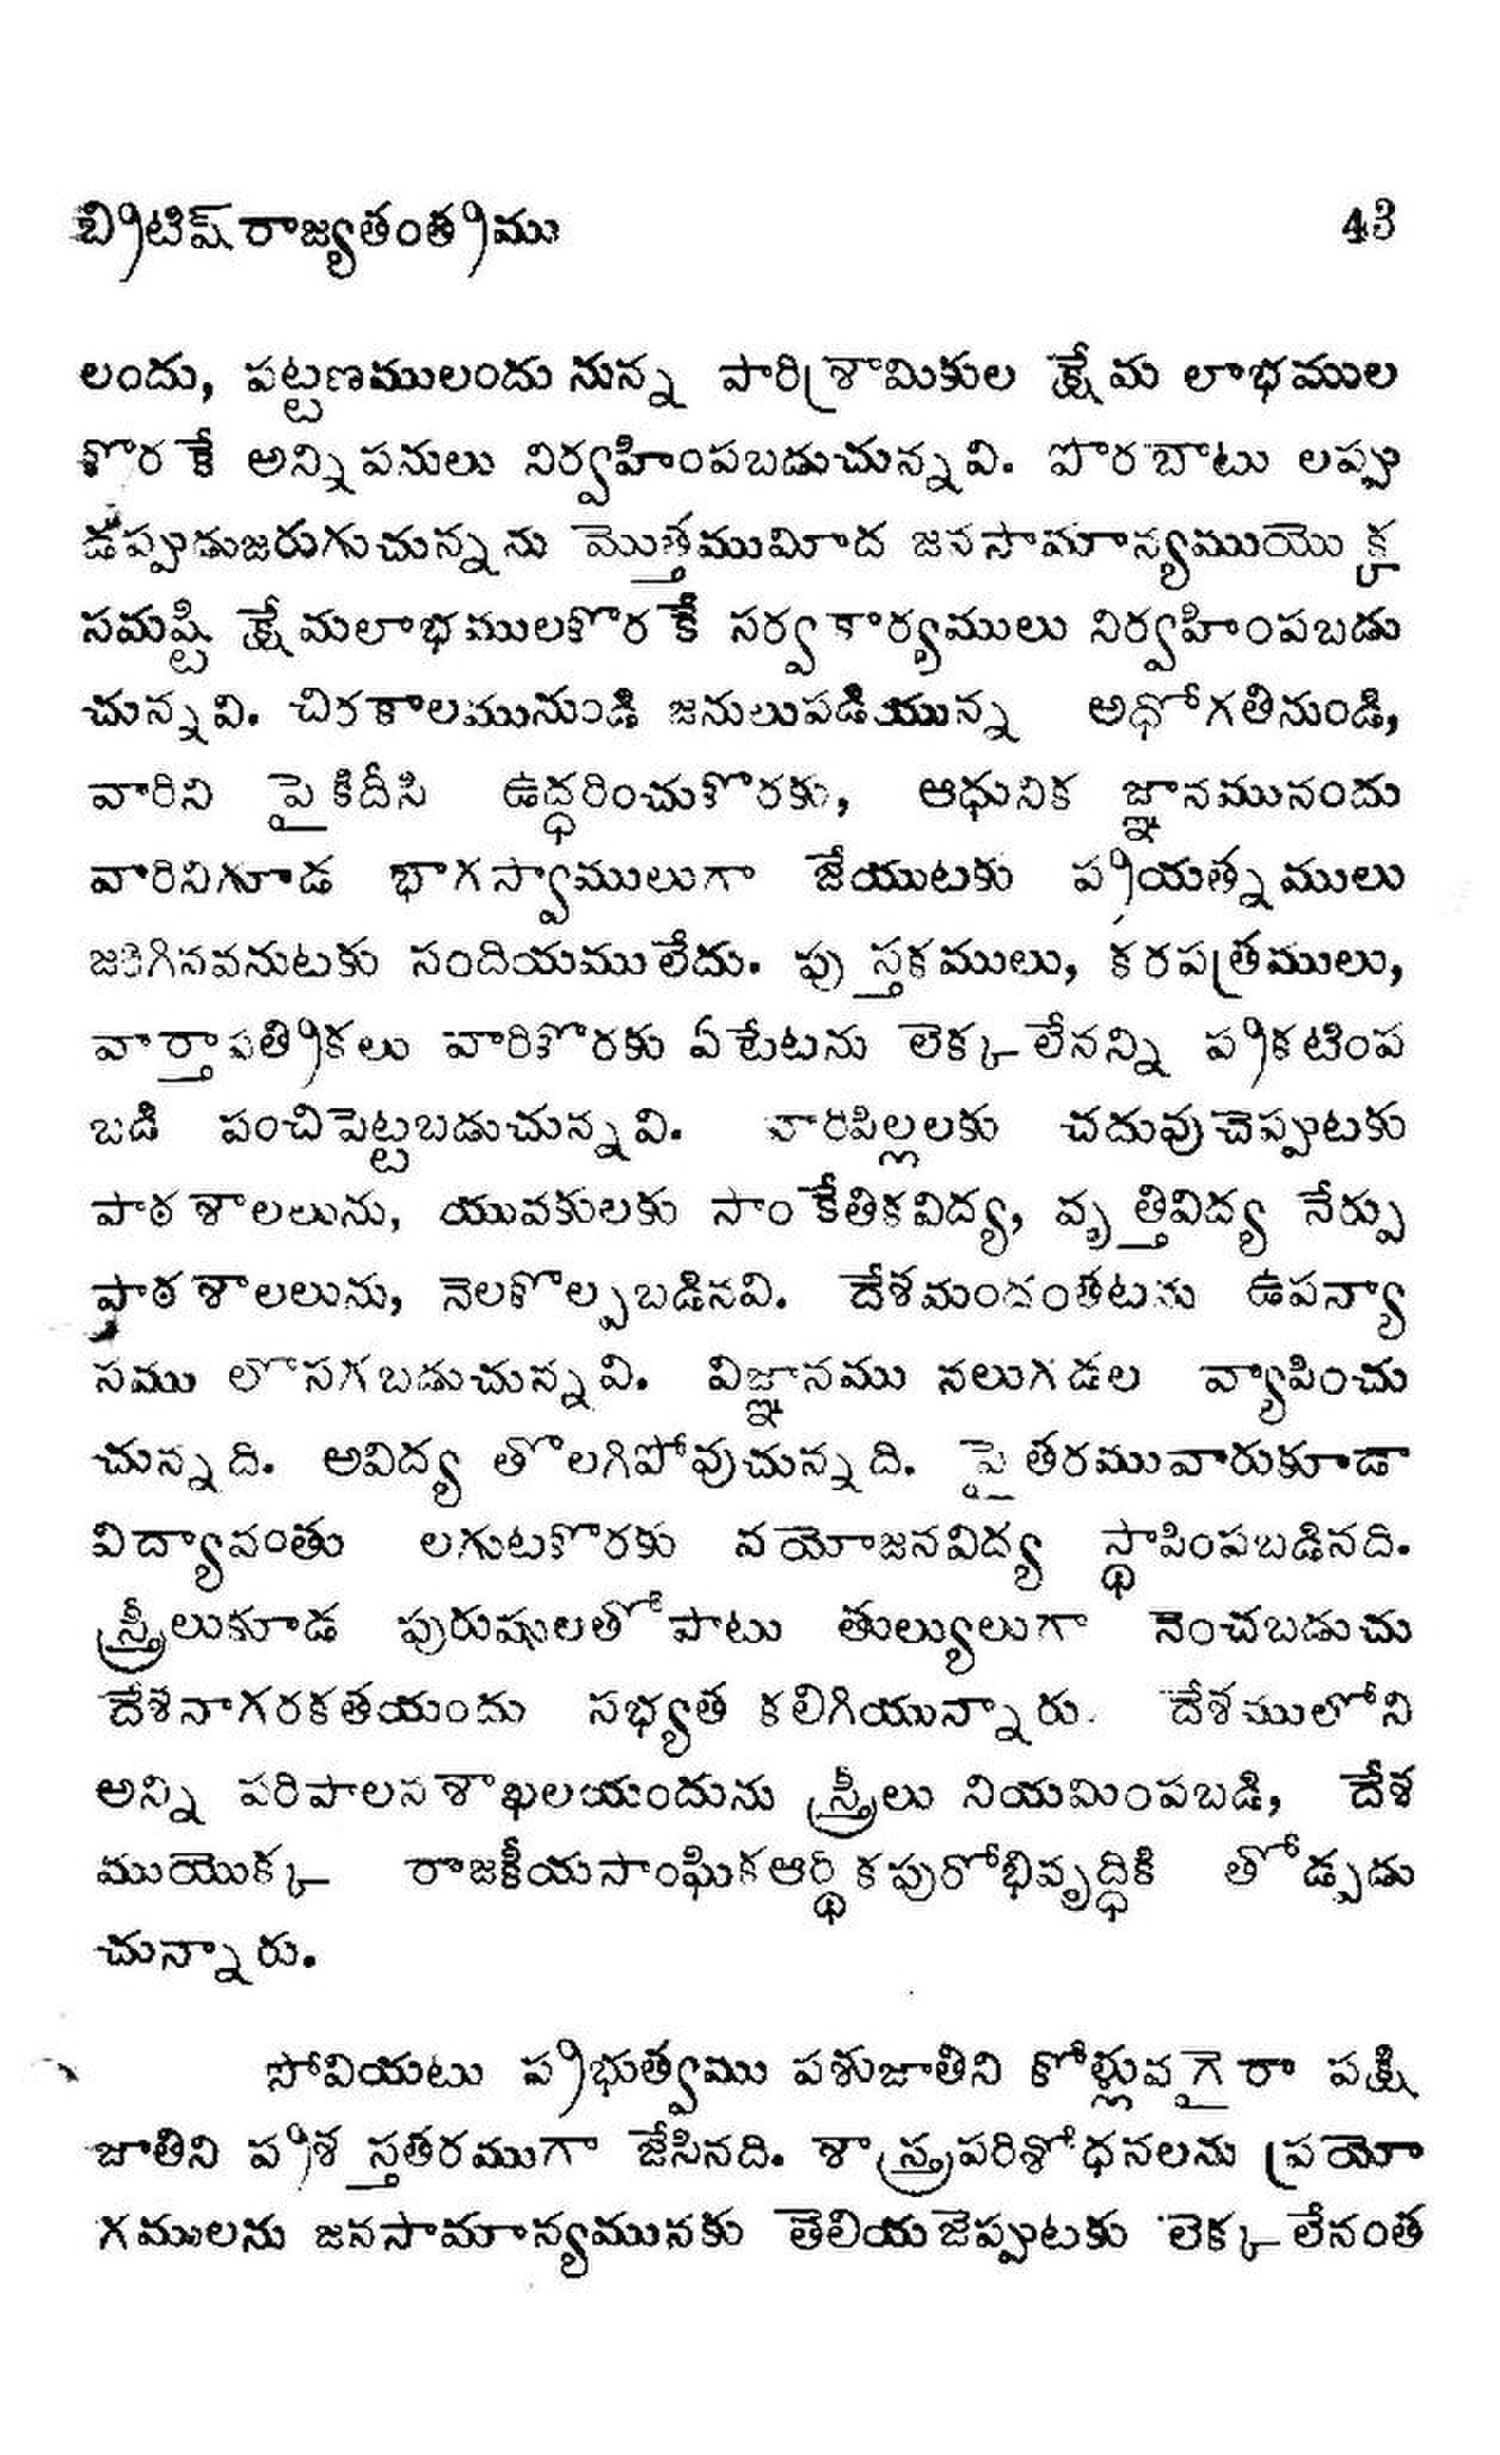లందు, పట్టణములందు నున్న పారిశ్రామికుల క్షేమ లాభముల కొరకే అన్నిపనులు నిర్వహింపబడుచున్నవి. పొరబాటు లప్పుడప్పుడుజరుగుచున్నను మొత్తముమీద జనసామాన్యముయొక్క సమష్టి క్షేమలాభములకొరకే సర్వకార్యములు నిర్వహింపబడుచున్నవి. చిరకాలమునుండి జనులుపడియున్న అధోగతినుండి, వారిని పైకిదీసి ఉద్దరించుకొరకు, ఆధునిక జ్ఞానమునందు వారినిగూడ భాగస్వాములుగా జేయుటకు ప్రయత్నములు జరిగినవనుటకు సందియము లేదు. పుస్తకములు, కరపత్రములు, వార్తాపత్రికలు వారికొరకు ఏటేటను లెక్క లేనన్ని ప్రకటింపబడి పంచిపెట్టబడుచున్నవి. వారిపిల్లలకు చదువుచెప్పుటకు పాఠశాలలును, యువకులకు సాంకేతికవిద్య, వృత్తివిద్య నేర్పు పాఠశాలలును, నెలకొల్పబడినవి. దేశమందంతటను ఉపన్యాసము లొసగబడుచున్నవి. విజ్ఞానము నలుగడల వ్యాపించుచున్నది. అవిద్య తొలగిపోవుచున్నది. పైతరమువారుకూడా విద్యావంతు లగుటకొరకు వయోజనవిద్య స్థాపింపబడినది. స్త్రీలుకూడ పురుషులతో పాటు తుల్యులుగా నెంచబడుచు దేశనాగరకతయందు సభ్యత కలిగియున్నారు. దేశములోని అన్ని పరిపాలనశాఖలయందును స్త్రీలు నియమింపబడి, దేశముయొక్క రాజకీయ సాంఘికఆర్థికపురోభివృద్ధికి తోడ్పడుచున్నారు.

సోవియటు ప్రభుత్వము పశుజాతిని కోళ్లువగైరా పక్షిజాతిని ప్రశస్తతరముగా జేసినది. శాస్త్ర పరిశోధనలను ప్రయోగములను జనసామాన్యమునకు తెలియజెప్పుటకు లెక్క లేనంత